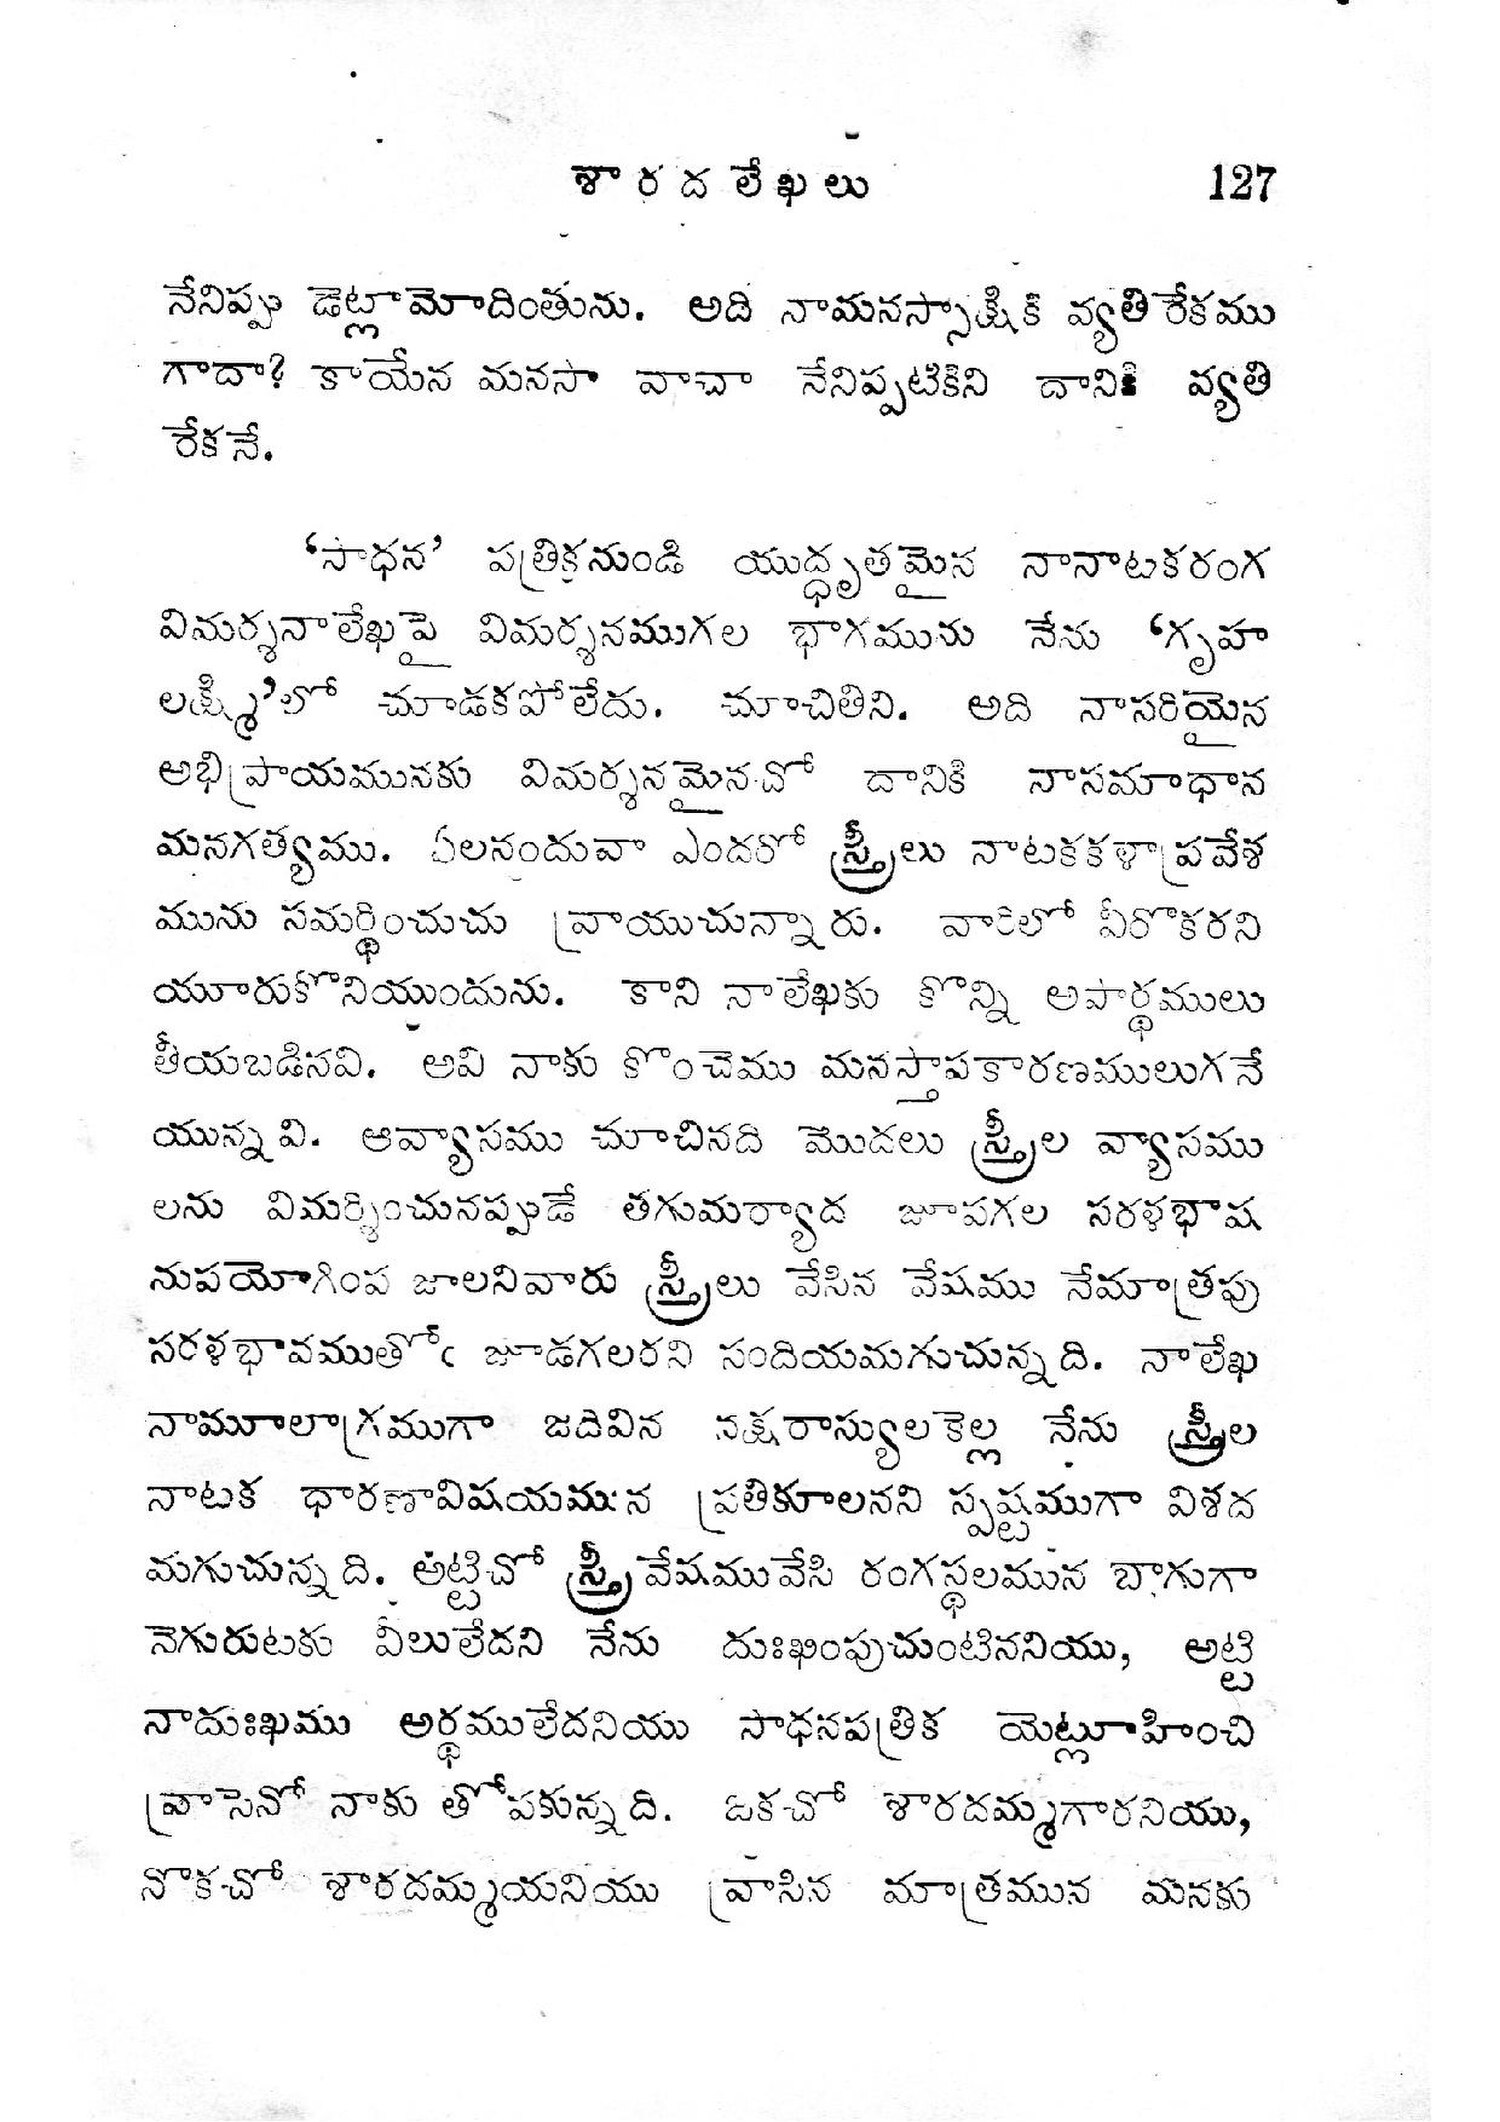నేనిప్పు డెట్లామోదింతును. అది నామనస్సాక్షికి వ్యతిరేకము గాదా? కాయేన మనసా వాచా నేనిప్పటికిని దానికి వ్యతిరేకనే.

'సాధన' పత్రికనుండి యుద్ధృతమైన నానాటకరంగ విమర్శనాలేఖపై విమర్శనముగల భాగమును నేను 'గృహలక్ష్మి'లో చూడకపోలేదు. చూచితిని. అది నాసరియైన అభిప్రాయమునకు విమర్శనమైనచో దానికి నాసమాధాన మనగత్యము. ఏలనందువా ఎందరో స్త్రీలు నాటకకళాప్రవేశమును సమర్థించుచు వ్రాయుచున్నారు. వారిలో వీరొకరని యూరుకొనియుందును. కాని నాలేఖకు కొన్ని అపార్థములు తీయబడినవి. అవి నాకు కొంచెము మనస్తాపకారణములుగనే యున్నవి. ఆవ్యాసము చూచినది మొదలు స్త్రీల వ్యాసములను విమర్శించునప్పుడే తగుమర్యాద జూపగల సరళభాష నుపయోగింప జాలనివారు స్త్రీలు వేసిన వేషము నేమాత్రపు సరళభావముతోఁ జూడగలరని సందియమగుచున్నది. నాలేఖ నామూలాగ్రముగా జదివిన నక్షరాస్యులకెల్ల నేను స్త్రీల నాటక ధారణావిషయమున ప్రతికూలనని స్పష్టముగా విశదమగుచున్నది. అట్టిచో స్త్రీవేషమువేసి రంగస్థలమున బాగుగా నెగురుటకు వీలులేదని నేను దుఃఖింపుచుంటిననియు, అట్టి
నాదుఃఖము అర్థములేదనియు సాధనపత్రిక యెట్లూహించి వ్రాసెనో నాకు తోపకున్నది. ఒకచో శారదమ్మగారనియు, నొకచో శారదమ్మయనియు వ్రాసిన మాత్రమున మనకు